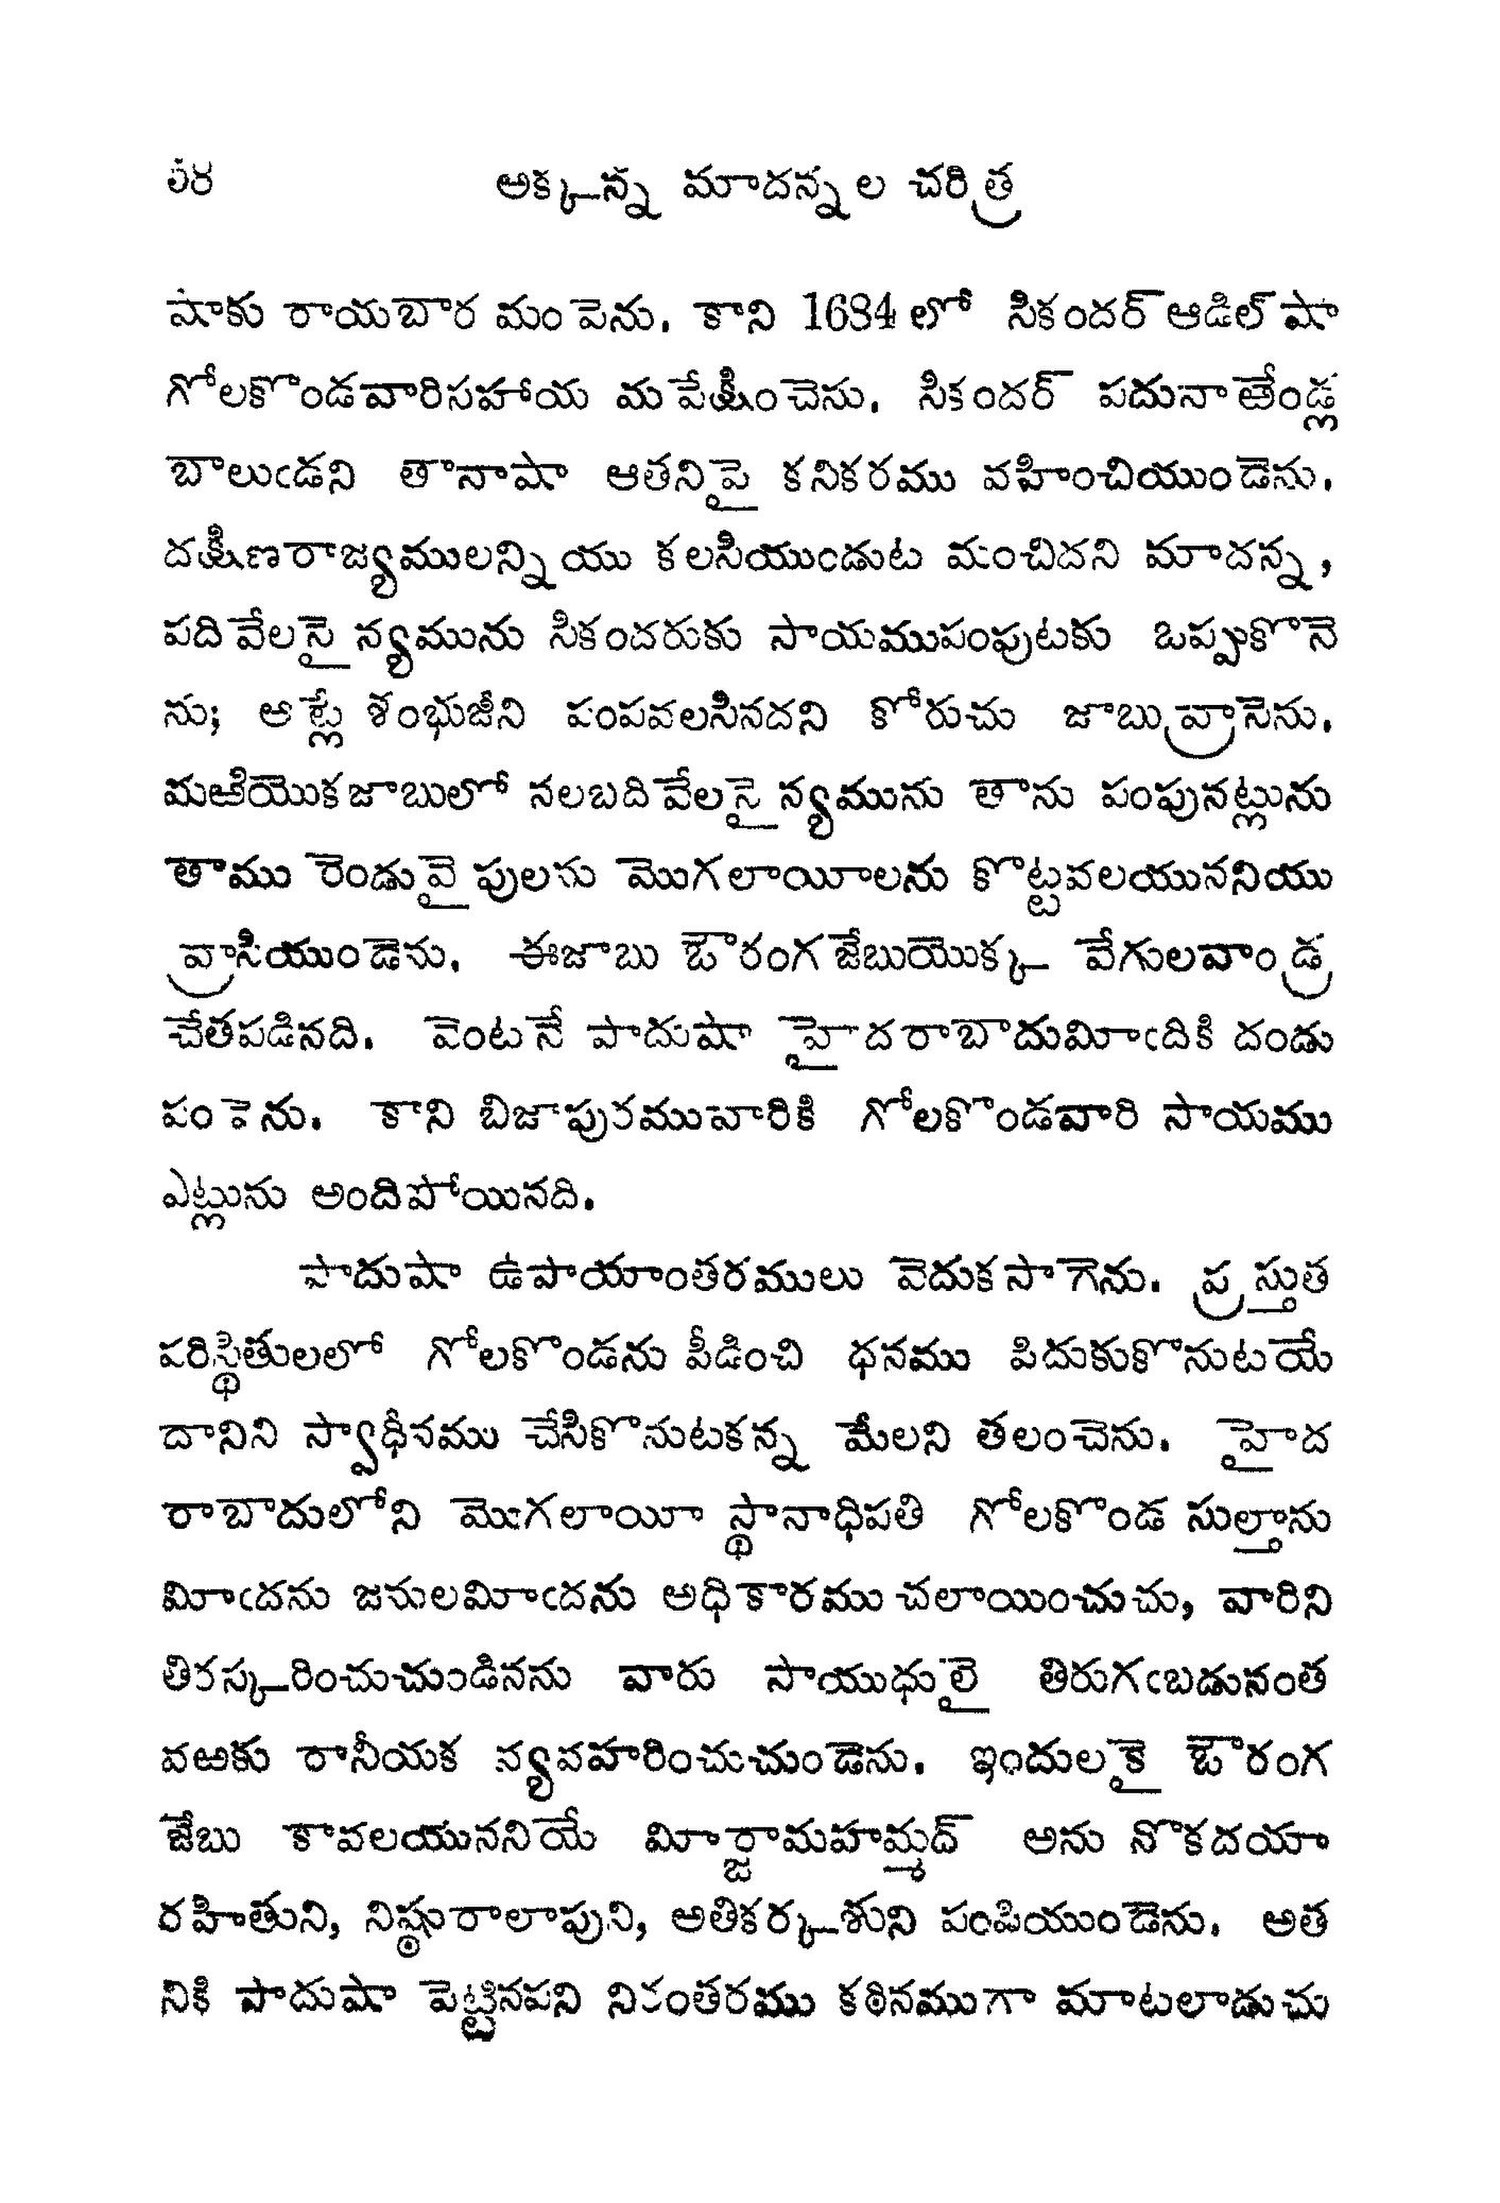షాకు రాయబార మంపెను. కాని 1684 లో సికందర్‌ఆడిల్‌షా గోలకొండవారిసహాయ మపేక్షించెను. సికందర్ పదునాఱేండ్ల బాలుఁడని తానాషా ఆతనిపై కనికరము వహించియుండెను. దక్షిణరాజ్యములన్నియు కలసియుండుట మంచిదని మాదన్న, పదివేలసైన్యమును సికందరుకు సాయముపంపుటకు ఒప్పుకొనెను; అట్లే శంభుజీని పంపవలసినదని కోరుచు జాబువ్రాసెను. మఱియొకజాబులో నలబదివేలనైన్యమును తాను పంపునట్లును తాము రెండువైపులను మొగలాయీలను కొట్టవలయుననియు వ్రాసియుండెను. ఈజాబు ఔరంగజేబుయొక్క వేగులవాండ్ర చేతపడినది. వెంటనే పాదుషా హైదరాబాదుమీఁదికి దండు పంపెను. కాని బిజాపురమువారికి గోలకొండవారి సాయము ఎట్లును అందిపోయినది.

పాదుషా ఉపాయాంతరములు వెదుకసాగెను. ప్రస్తుత పరిస్థితులలో గోలకొండను పీడించి ధనము పిదుకుకొనుటయే దానిని స్వాధీనము చేసికొనుటకన్న మేలని తలంచెను. హైదరాబాదులోని మొగలాయీ స్థానాధిపతి గోలకొండ సుల్తాను మీఁదను జనులమీఁదను అధికారము చలాయించుచు, వారిని తిరస్కరించుచుండినను వారు సాయుధులై తిరుగఁబడునంత వఱకు రానీయక వ్యవహరించుచుండెను. ఇందులకై ఔరంగజేబు కావలయుననియే మీర్జామహమ్మద్ అను నొకదయారహితుని, నిష్ఠురాలాపుని, అతికర్కశుని పంపియుండెను. అతనికి పాదుషా పెట్టినపని నిరంతరము కఠినముగా మాటలాడుచు